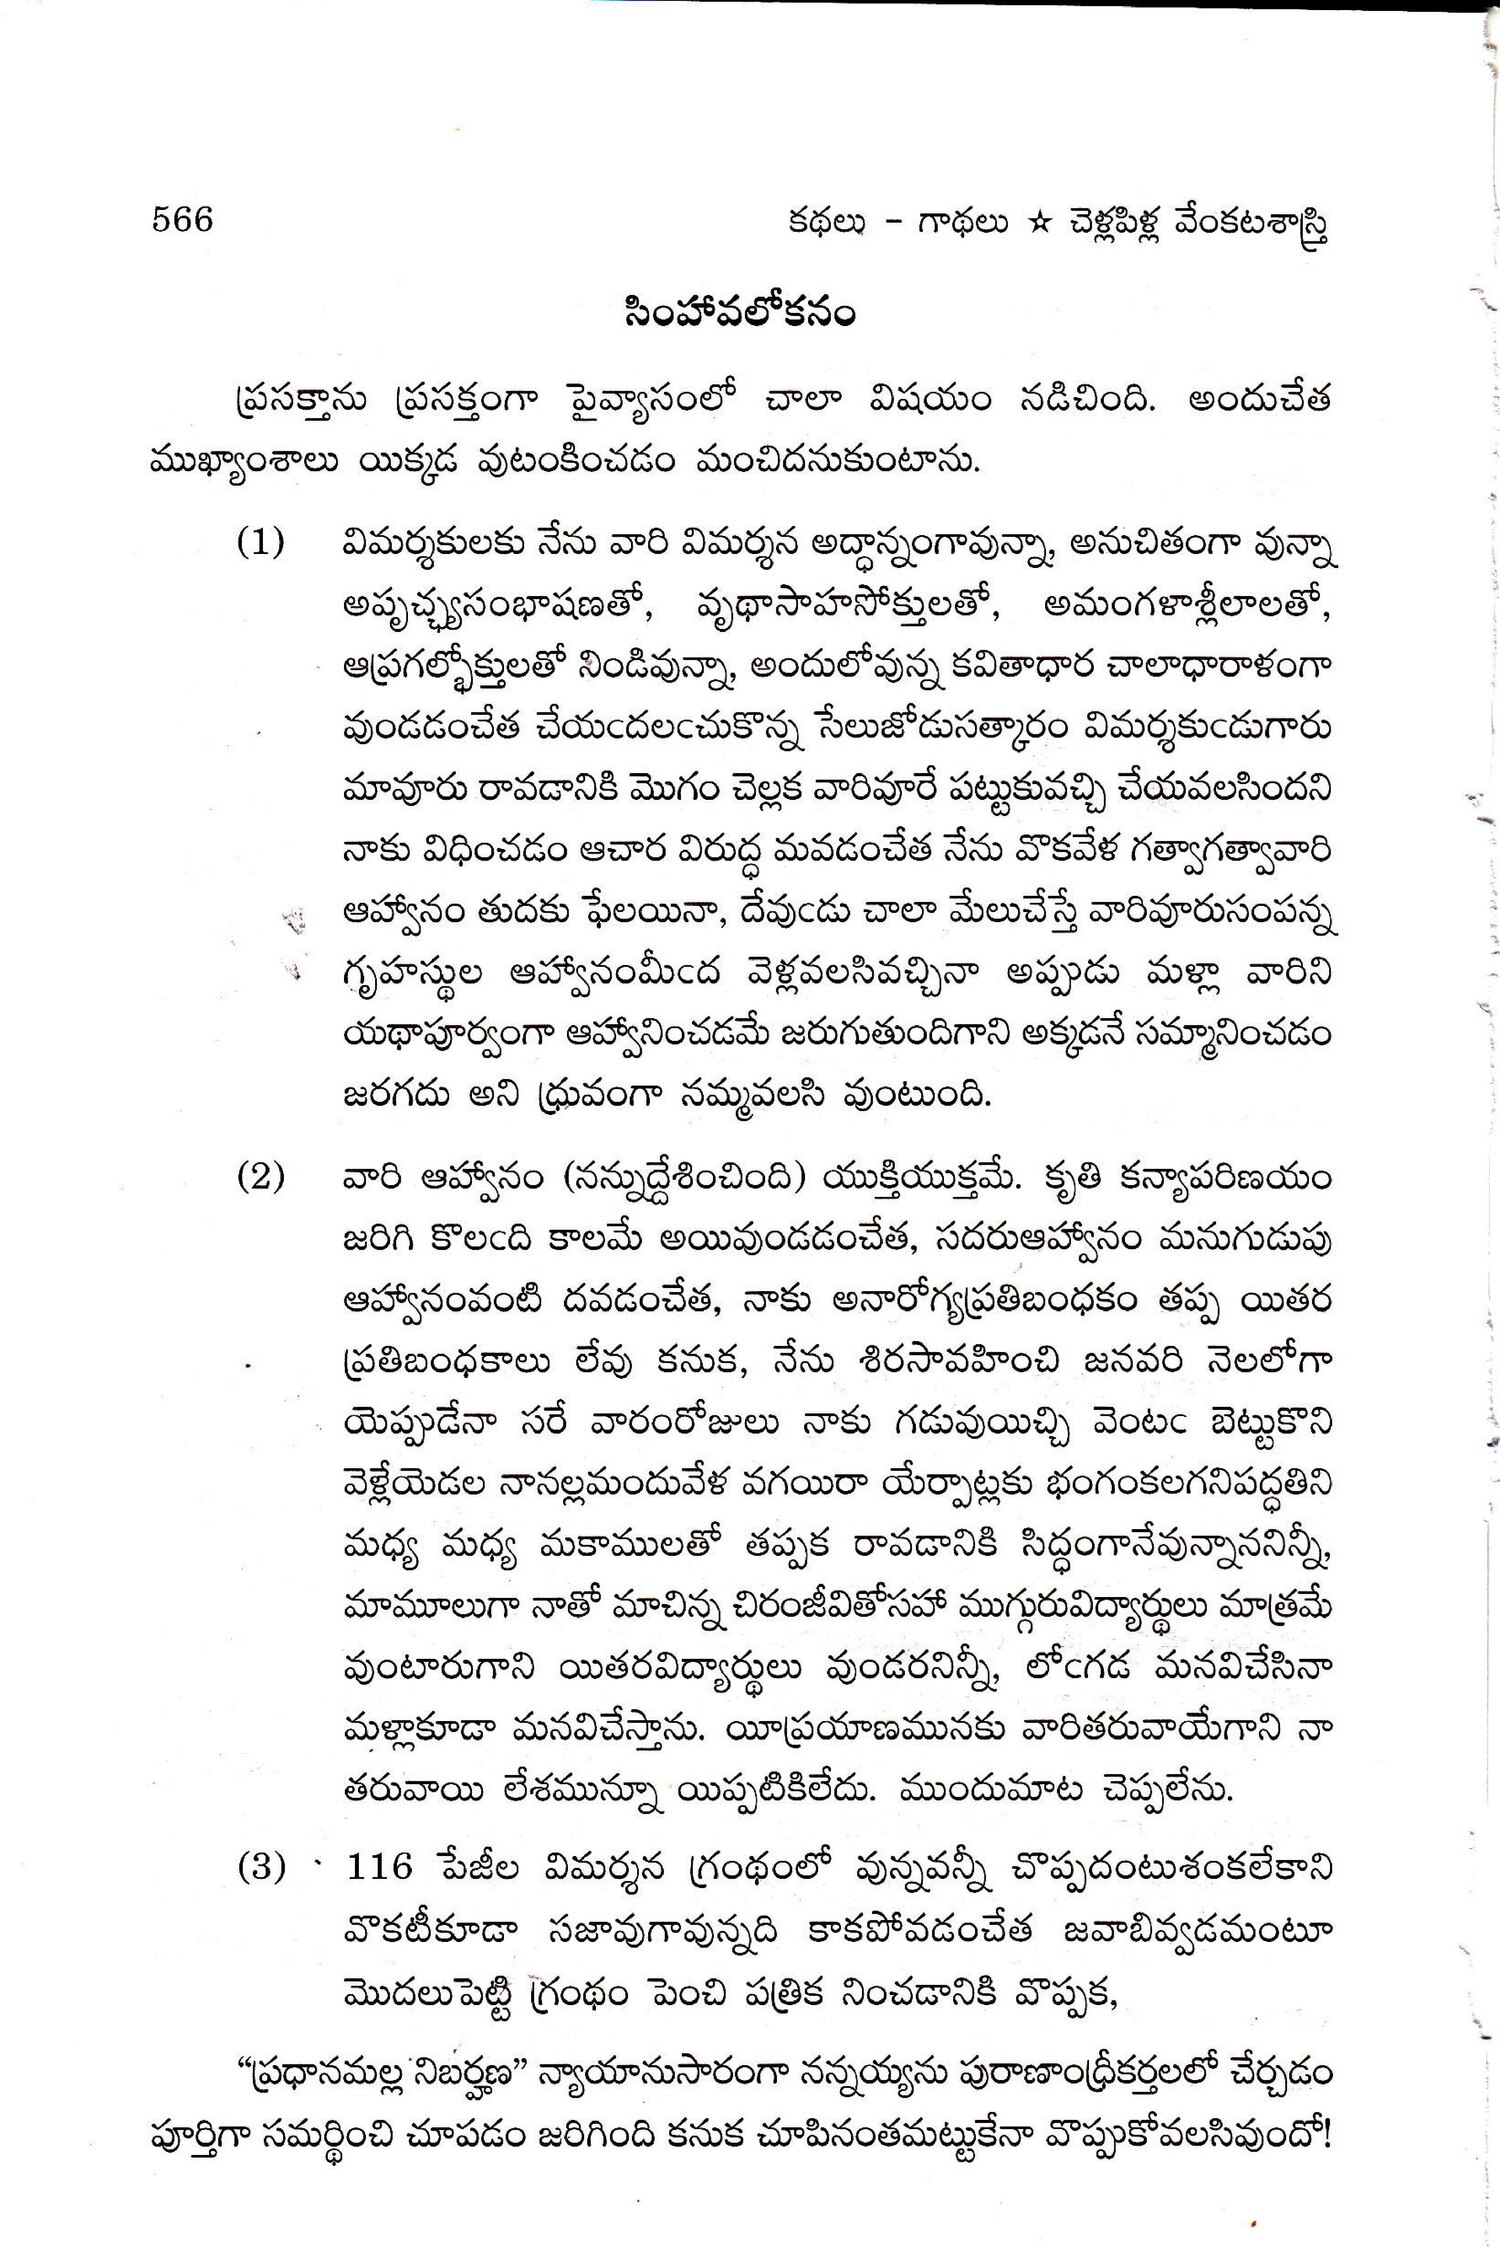సింహావలోకనం

ప్రసక్తాను ప్రసక్తంగా పైవ్యాసంలో చాలా విషయం నడిచింది. అందుచేత ముఖ్యాంశాలు యిక్కడ వుటంకించడం మంచిదనుకుంటాను.

(1)విమర్శకులకు నేను వారి విమర్శన అద్దాన్నంగావున్నా అనుచితంగా వున్నా అపృచ్ఛ్యసంభాషణతో, వృథాసాహసోక్తులతో, అమంగళాశ్లీలాలతో, అప్రగల్భోక్తులతో నిండివున్నా అందులోవున్న కవితాధార చాలాధారాళంగా
వుండడంచేత చేయఁదలఁచుకొన్న సేలుజోడుసత్కారం విమర్శకుఁడుగారు మావూరు రావడానికి మొగం చెల్లక వారివూరే పట్టుకువచ్చి చేయవలసిందని నాకు విధించడం ఆచార విరుద్ధ మవడంచేత నేను వొకవేళ గత్వాగత్వావారి ఆహ్వానం తుదకు ఫేలయినా, దేవుఁడు చాలా మేలుచేస్తే వారివూరుసంపన్న గృహస్థుల ఆహ్వానంమీఁద వెళ్లవలసివచ్చినా అప్పుడు మళ్లా వారిని యధాపూర్వంగా ఆహ్వానించడమే జరుగుతుందిగాని అక్కడనే సమ్మానించడం జరగదు అని ధ్రువంగా నమ్మవలసి వుంటుంది.

(2) వారి ఆహ్వానం (నన్నుద్దేశించింది) యుక్తియుక్తమే. కృతి కన్యాపరిణయం జరిగి కొలఁది కాలమే అయివుండడంచేత, సదరుఆహ్వానం మనుగుడుపు ఆహ్వానంవంటి దవడంచేత, నాకు అనారోగ్యప్రతిబంధకం తప్ప యితర ప్రతిబంధకాలు లేవు కనుక, నేను శిరసావహించి జనవరి నెలలోగా యెప్పుడేనా సరే వారంరోజులు నాకు గడువుయిచ్చి వెంటఁ బెట్టుకొని వెళ్లేయెడల నానల్లమందువేళ వగయిరా యేర్పాట్లకు భంగంకలగనిపద్ధతిని మధ్య మధ్య మకాములతో తప్పక రావడానికి సిద్ధంగానేవున్నాననిన్నీ మామూలుగా నాతో మాచిన్నచిరంజీవితోసహా ముగ్గురువిద్యార్థులు మాత్రమే వుంటారుగాని యితరవిద్యార్థులు వుండరనిన్నీ లోఁగడ మనవిచేసినా మళ్లాకూడా మనవిచేస్తాను. యీప్రయాణమునకు వారితరువాయేగాని నా తరువాయి లేశమున్నూ యిప్పటికిలేదు. ముందుమాట చెప్పలేను.

(3) 116 పేజీల విమర్శన గ్రంథంలో వున్నవన్నీ చొప్పదంటుశంకలేకాని వొకటీకూడా సజావుగావున్నది కాకపోవడంచేత జవాబివ్వడమంటూ మొదలుపెట్టి గ్రంథం పెంచి పత్రిక నించడానికి వొప్పక,

“ప్రధానమల్ల నిబర్హణ" న్యాయానుసారంగా నన్నయ్యను పురాణాంద్రీకర్తలలో చేర్చడం పూర్తిగా సమర్ధించి చూపడం జరిగింది కనుక చూపినంతమట్టుకేనా వొప్పుకోవలసివుందో!